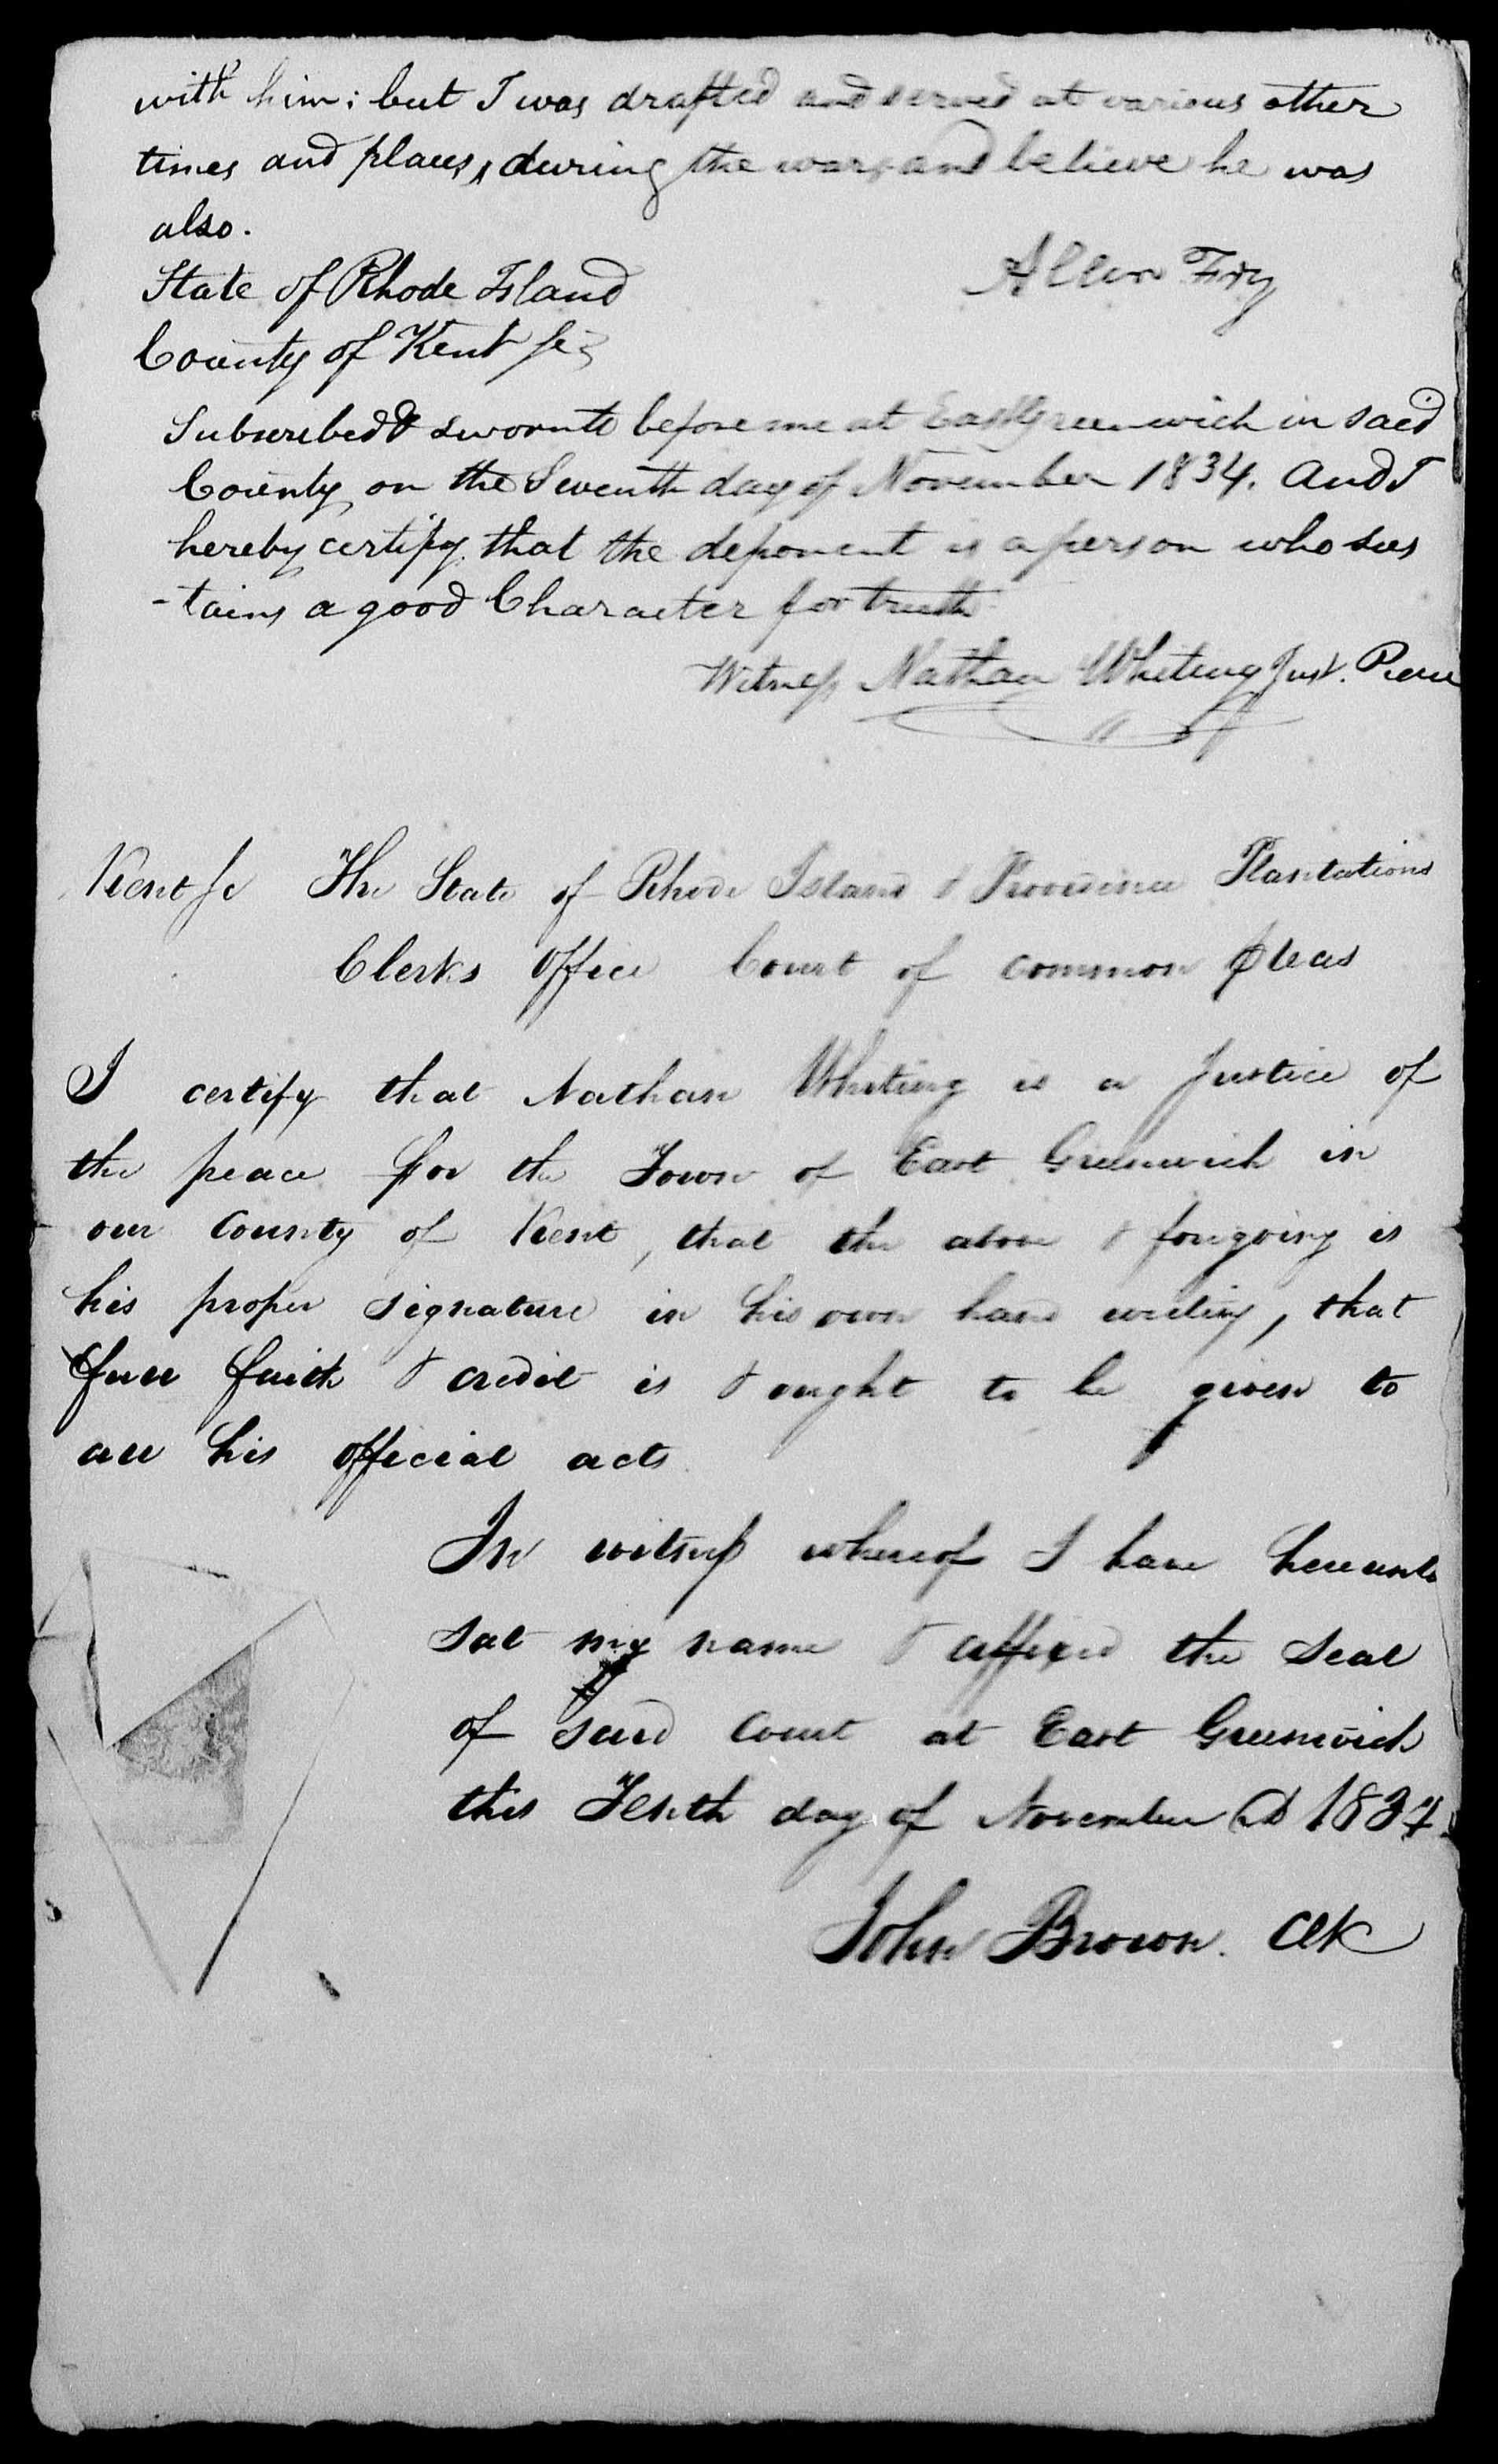with him; but I was drafted and served at various other times and places during the war and believe he was also. 
State of Rhode Island Allen Fry
County of Kent [illegible]
Subscribed and sworn before me at East Greenwich in said County on the Seventh day of November 1834. And I hereby certify that the deponent is a person who sustains a good Character for truth.
Witney, Nathan Whiting, Just. Peace The State of Rhode Island and Providence Plantations
Clerks office Court of Common Places
I certify that Nathan Whiting is a Justice of the Peace for the Town of East Greenwich in our County of Kent, that the above and forgoing is his proper signature in his own hand writing, that [illegible] faith and credit is and ought to be given to are his official acts. 
In witness whereof I have [illegible] my name and affixed the seal of said court at East Greenwich this Tenth day of November of 1834
John Brown [illegible]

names: Allen Fry, John Brown, Nathan Whiting, Nathan Whiting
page: 9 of 9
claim: survivor's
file: S. 21,760, Andrew Fry, R.I.